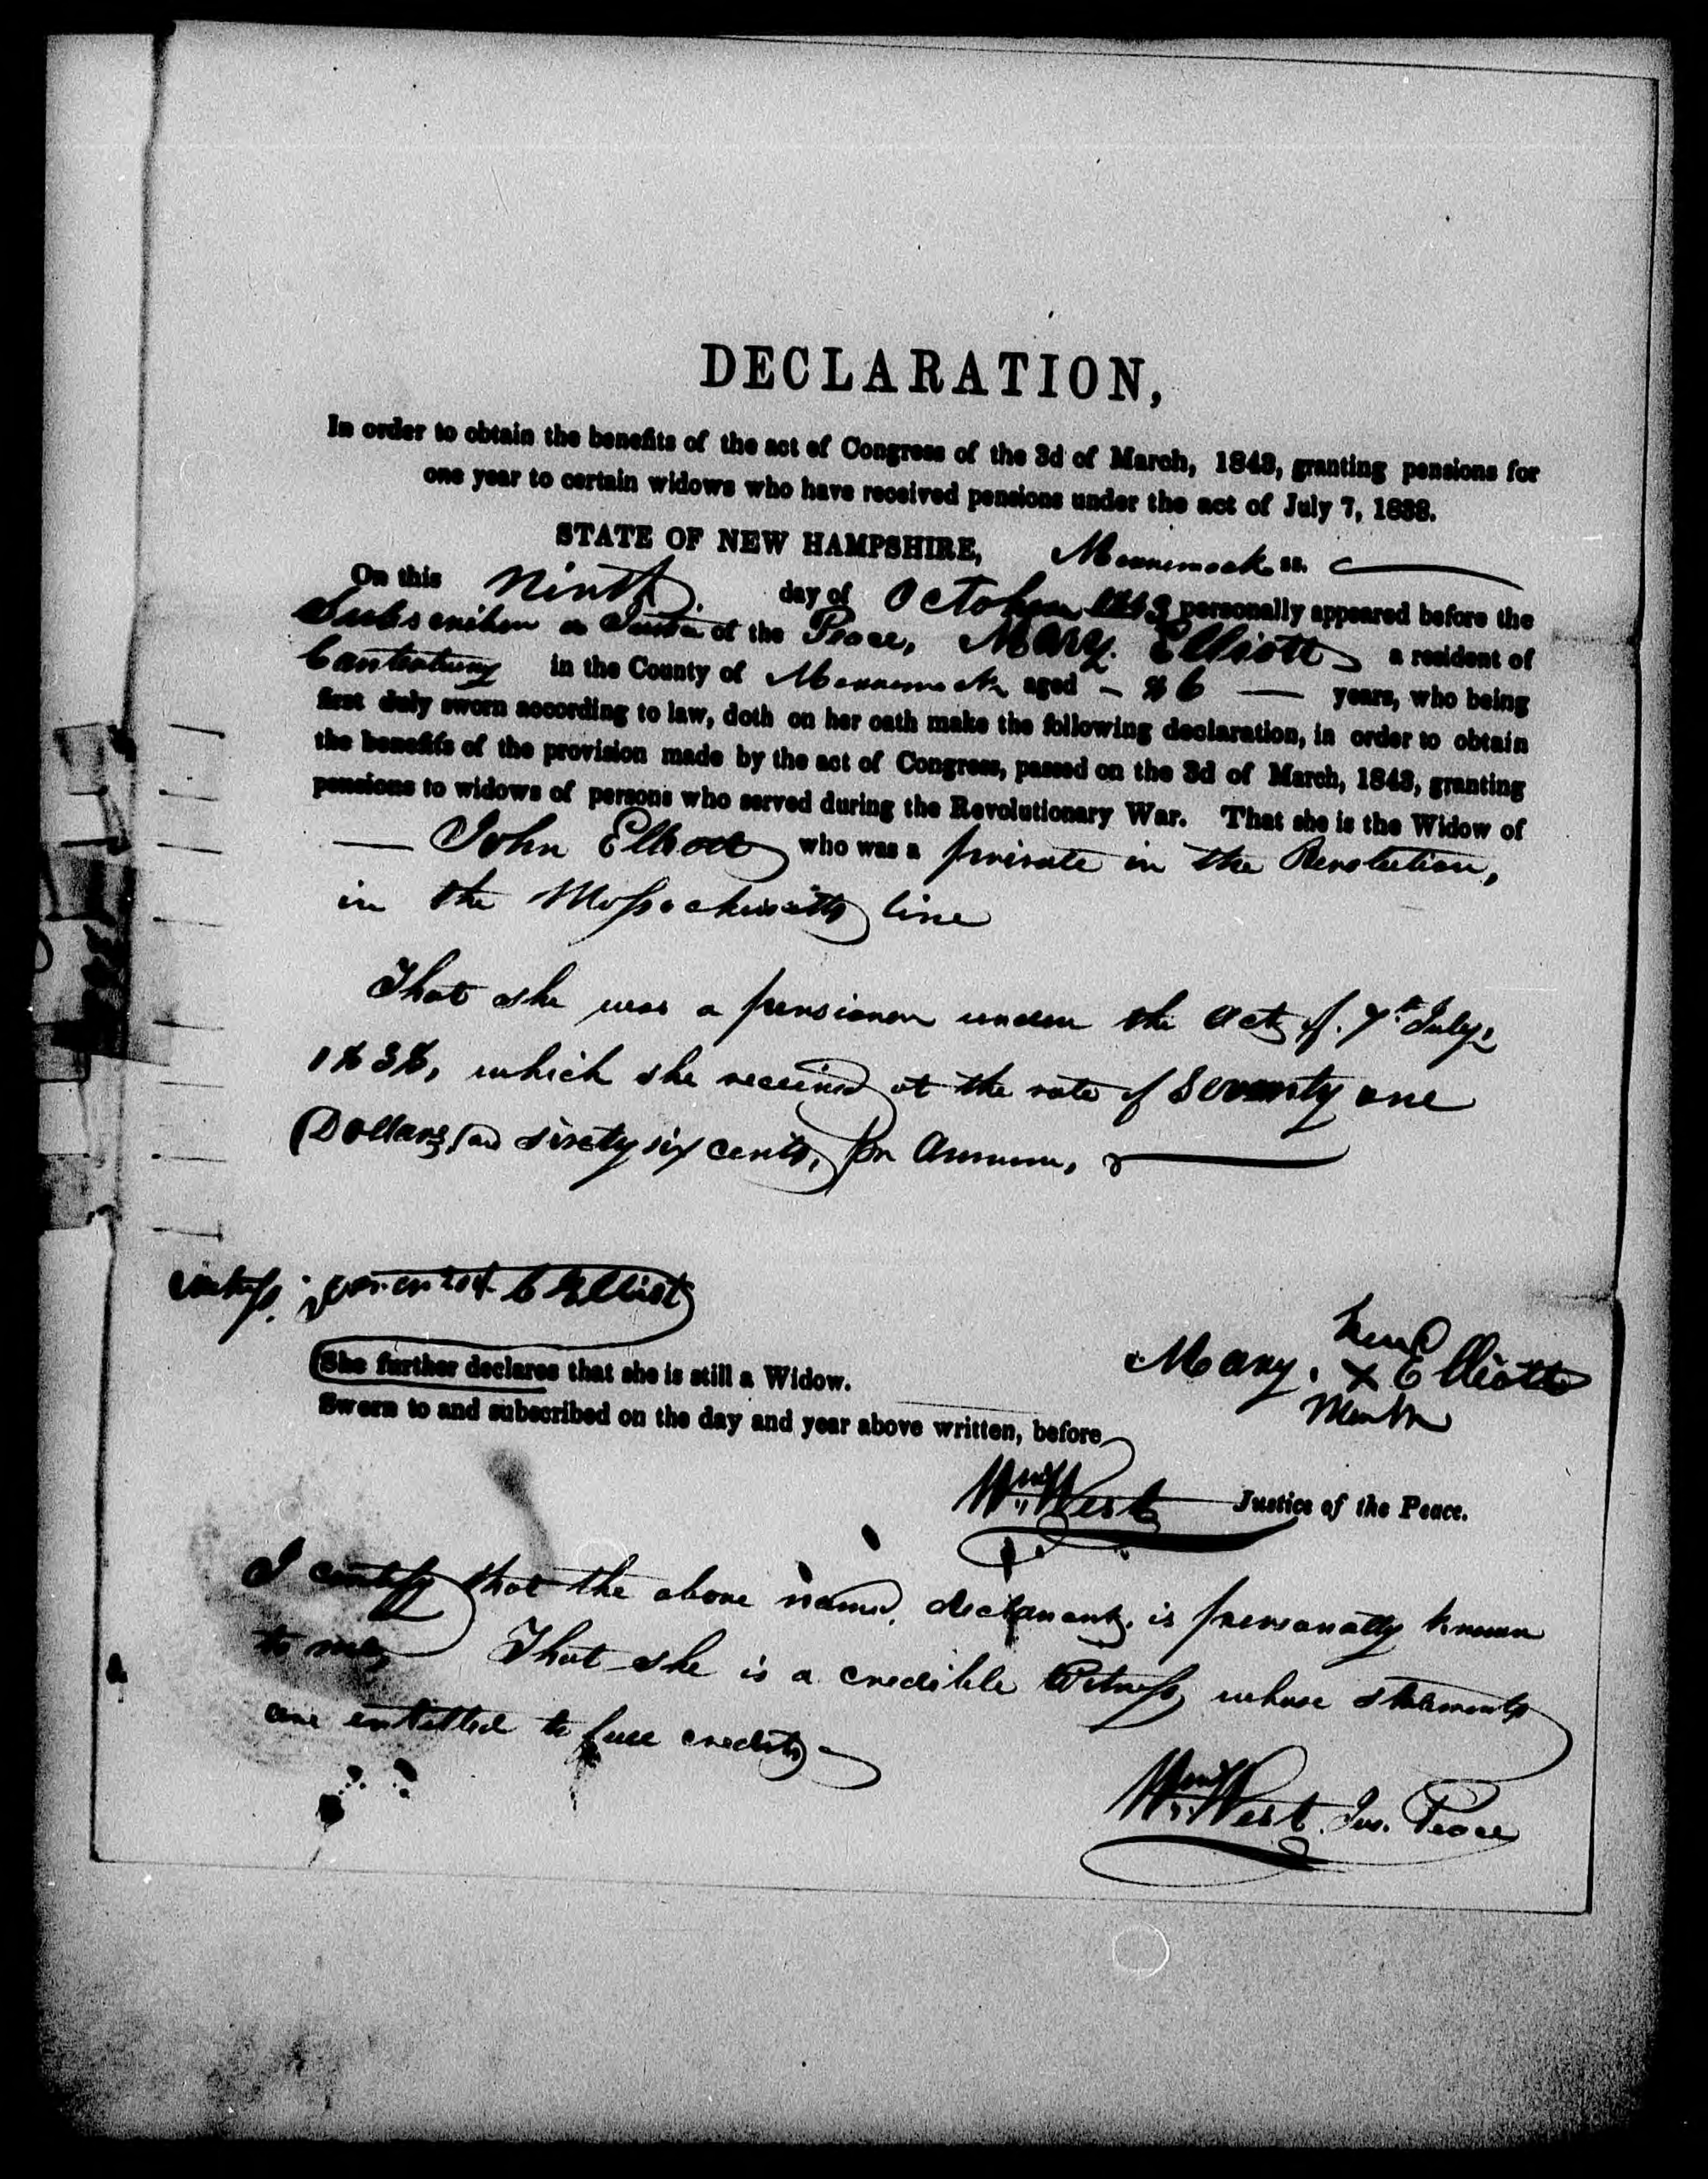DECLARATION.
In order to obtain the benefits of the act of Congress of the 2d of March, 1848, granting pensions for
one year to certain widows who have received pensions under the act of July 7, 1838.
STATE OF NEW HAMPSHIRE, Merrimack.
On this Ninth
day of October 1843 personally appeared before the
Subscriber a Justice of the Peace, Mary Elliott a resident of Canterbury in the County of Merrimack aged 86 year who being first
duly sworn according to law, doth on her oath make the following declaration, in order to obtain the benefits of the provision made by the act of Congress, passed on the 2d of March, 1843, granting
pensions to widows of persons who served during the Revolutionary War. That she is the widow of John Elliott who was a private in the Revolution, in the Massachusetts line
That she was a pensioner under the act of 7th July 1838, which she received at the rate of Seventy one Dollars and sixty six cents per annum
[illegible rented Callist]
She further declares that she is still a widow.
Sworn to and subscribed on the day and year above written, before
Wm West Justice of the Peace

her
Mary Elliott
Mark
Wm West of the Peace
I certify that the above named declarant is personally known to me. 
That she is a credible witness whose statements are
entitled to full credit.
Wm West Justice of Peace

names: Mary Elliott, John Elliott, Wm West, Mary Elliott, Jeremiah C Elliot, Wm West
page: 47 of 57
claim: widow's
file: W. 16,114, John Elliot, Continental (Mass) N.H.